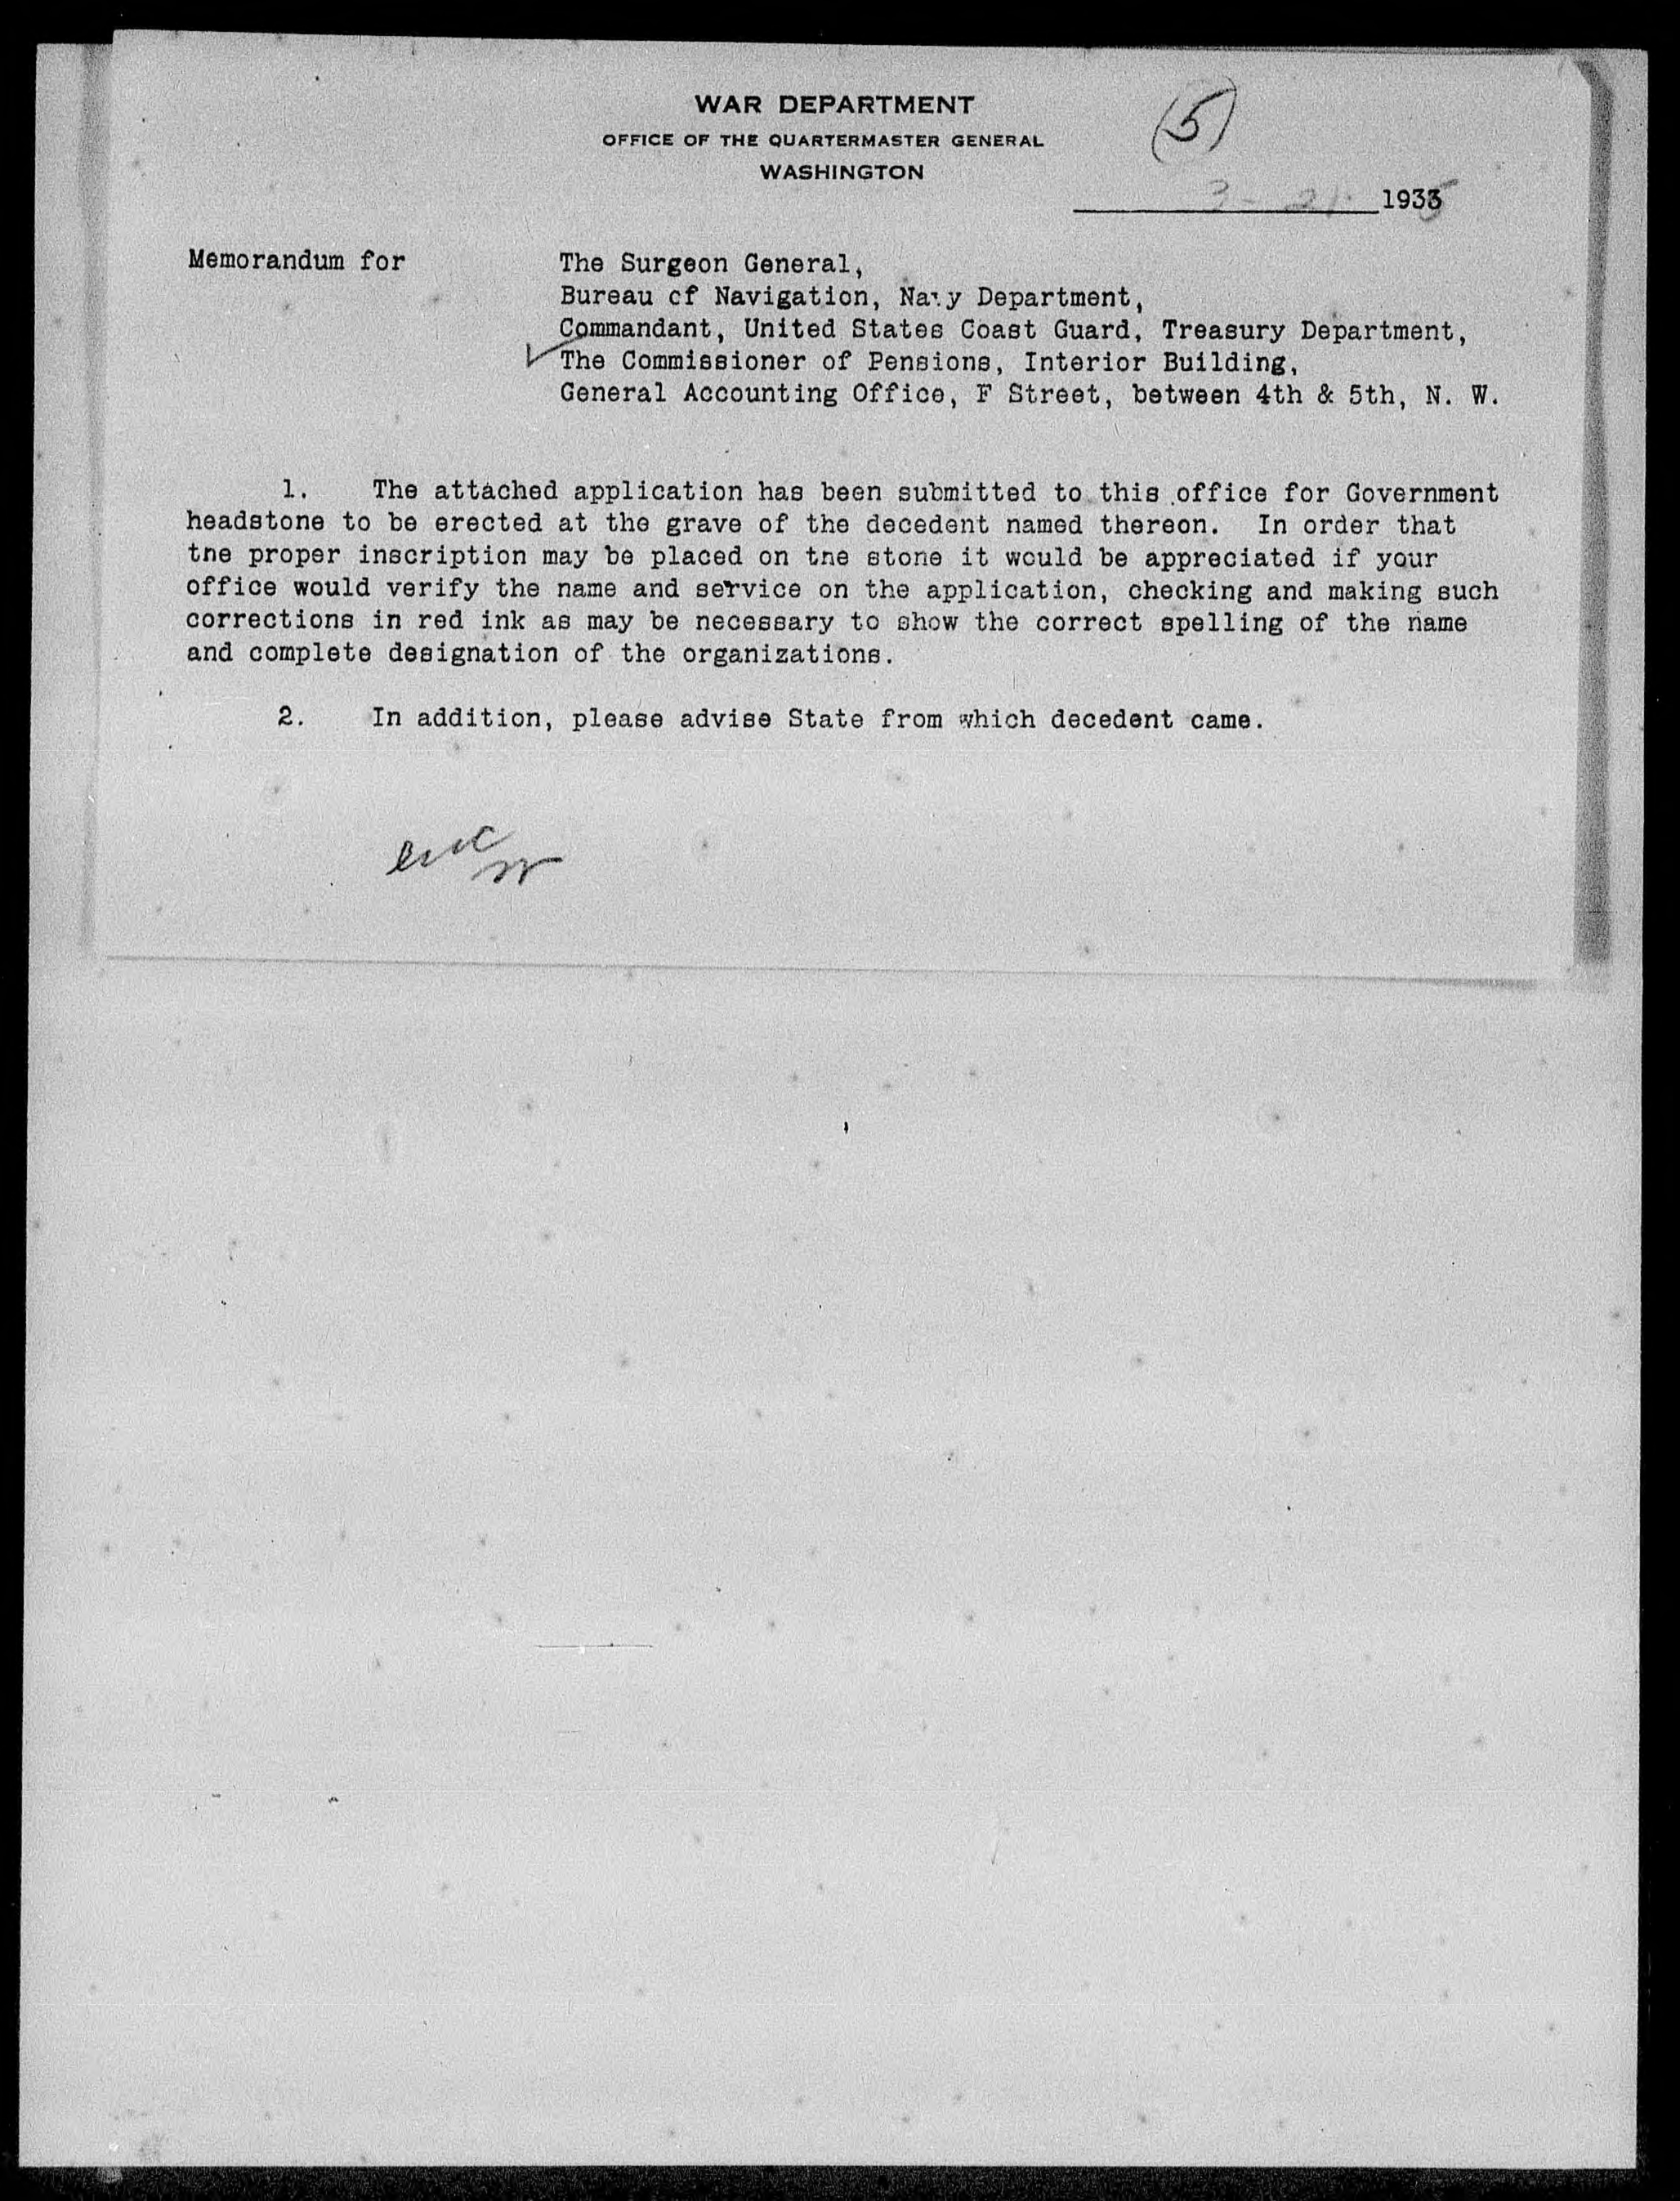WAR DEPARTMENT 
OFFICE OF THE QUARTERMASTER GENERAL WASHINGTON 
(5 )

3-21- 1935

Memorandum for The Surgeon General, Bureau of Navigation, Navy Department, Commandant, United States Coast Guard, Treasury Department, 
The Commissioner of Pensions, Interior Building, 
General Accounting Office, F Street, between 4th & 5th, N. W. 

1. The attached application has been submitted to this office for Government headstone to be erected at the grave of the decedent named thereon. In order that 
the proper inscription may be placed on the stone it would be appreciated if your office would verify the name and service on the application, checking and making such corrections in red ink as may be necessary to show the correct spelling of the name 
and complete designation of the organizations. 

2. In addition, please advise State from which decedent came. 

enc sr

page: 86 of 93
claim: widow's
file: W. 21792, for Thomas Mc Clurken, South Carolina